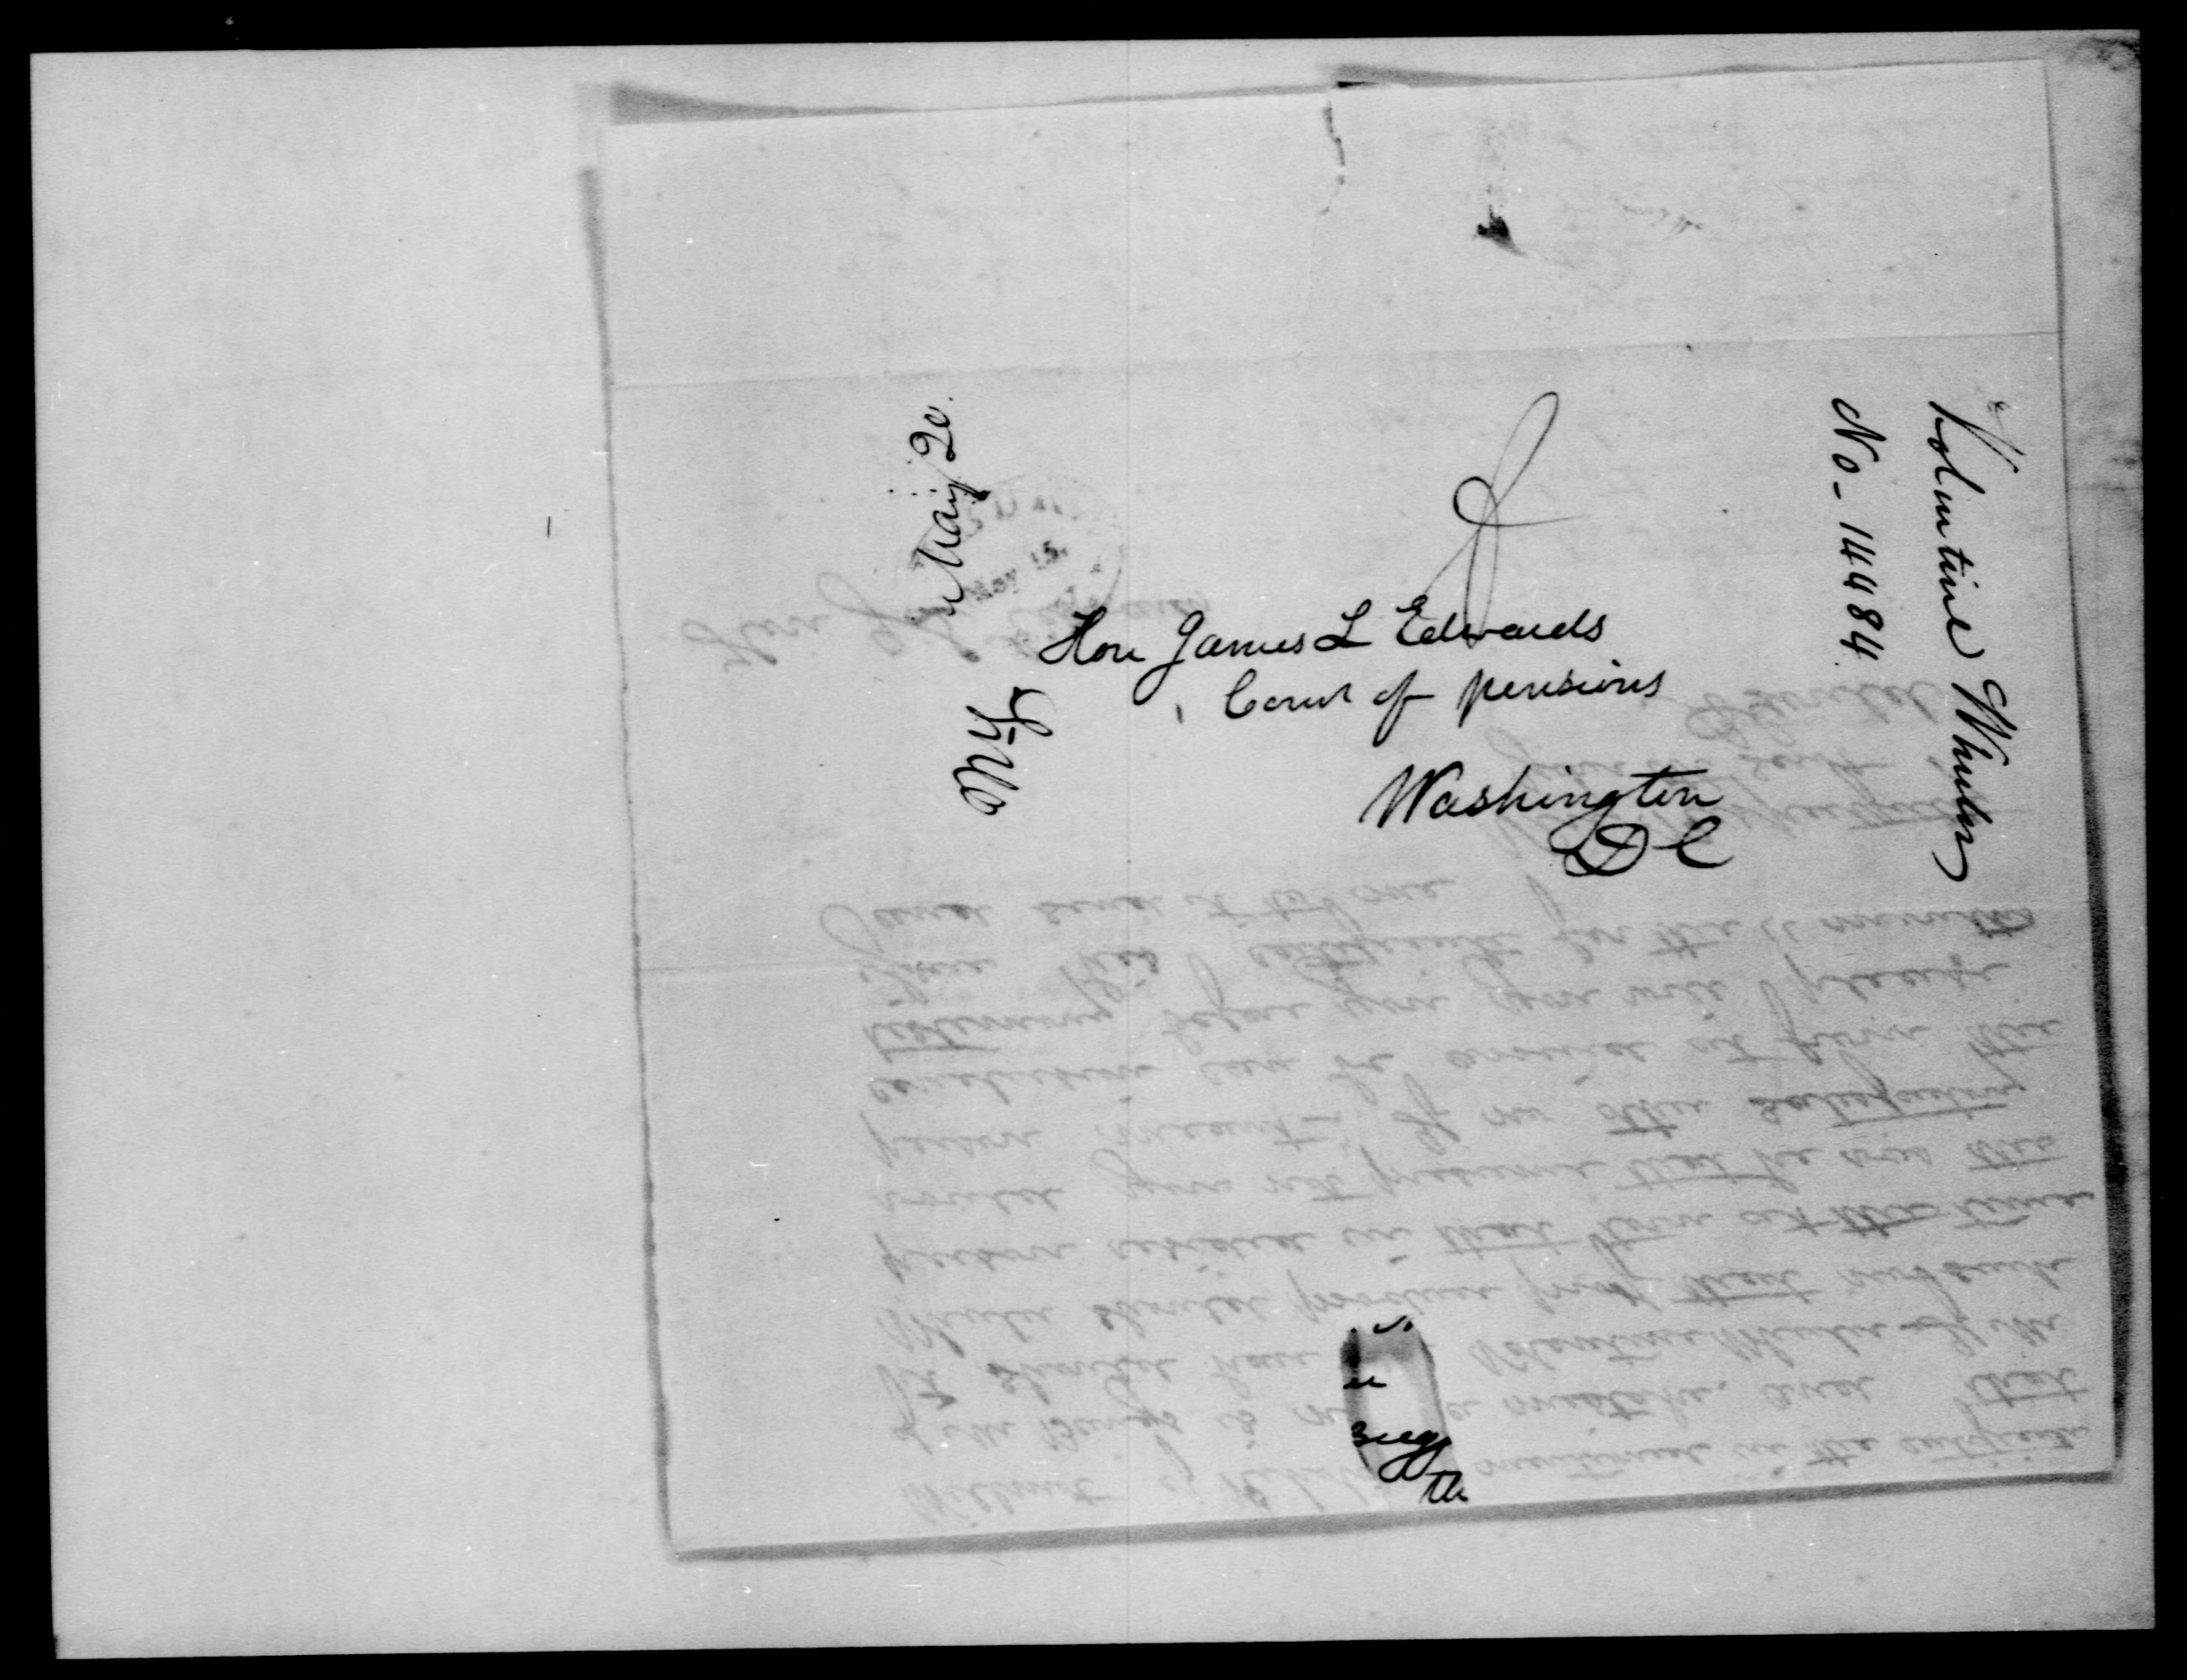M. Y. May 20
Volintine Wheeler
No. 14484

Hon. James L. Edwards
Comm. of Pensions
Washington D. C.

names: James L Edwards, Volentine Wheeler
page: 81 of 98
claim: widow's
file: W. 1682, Valentine Wheeler, Mass.